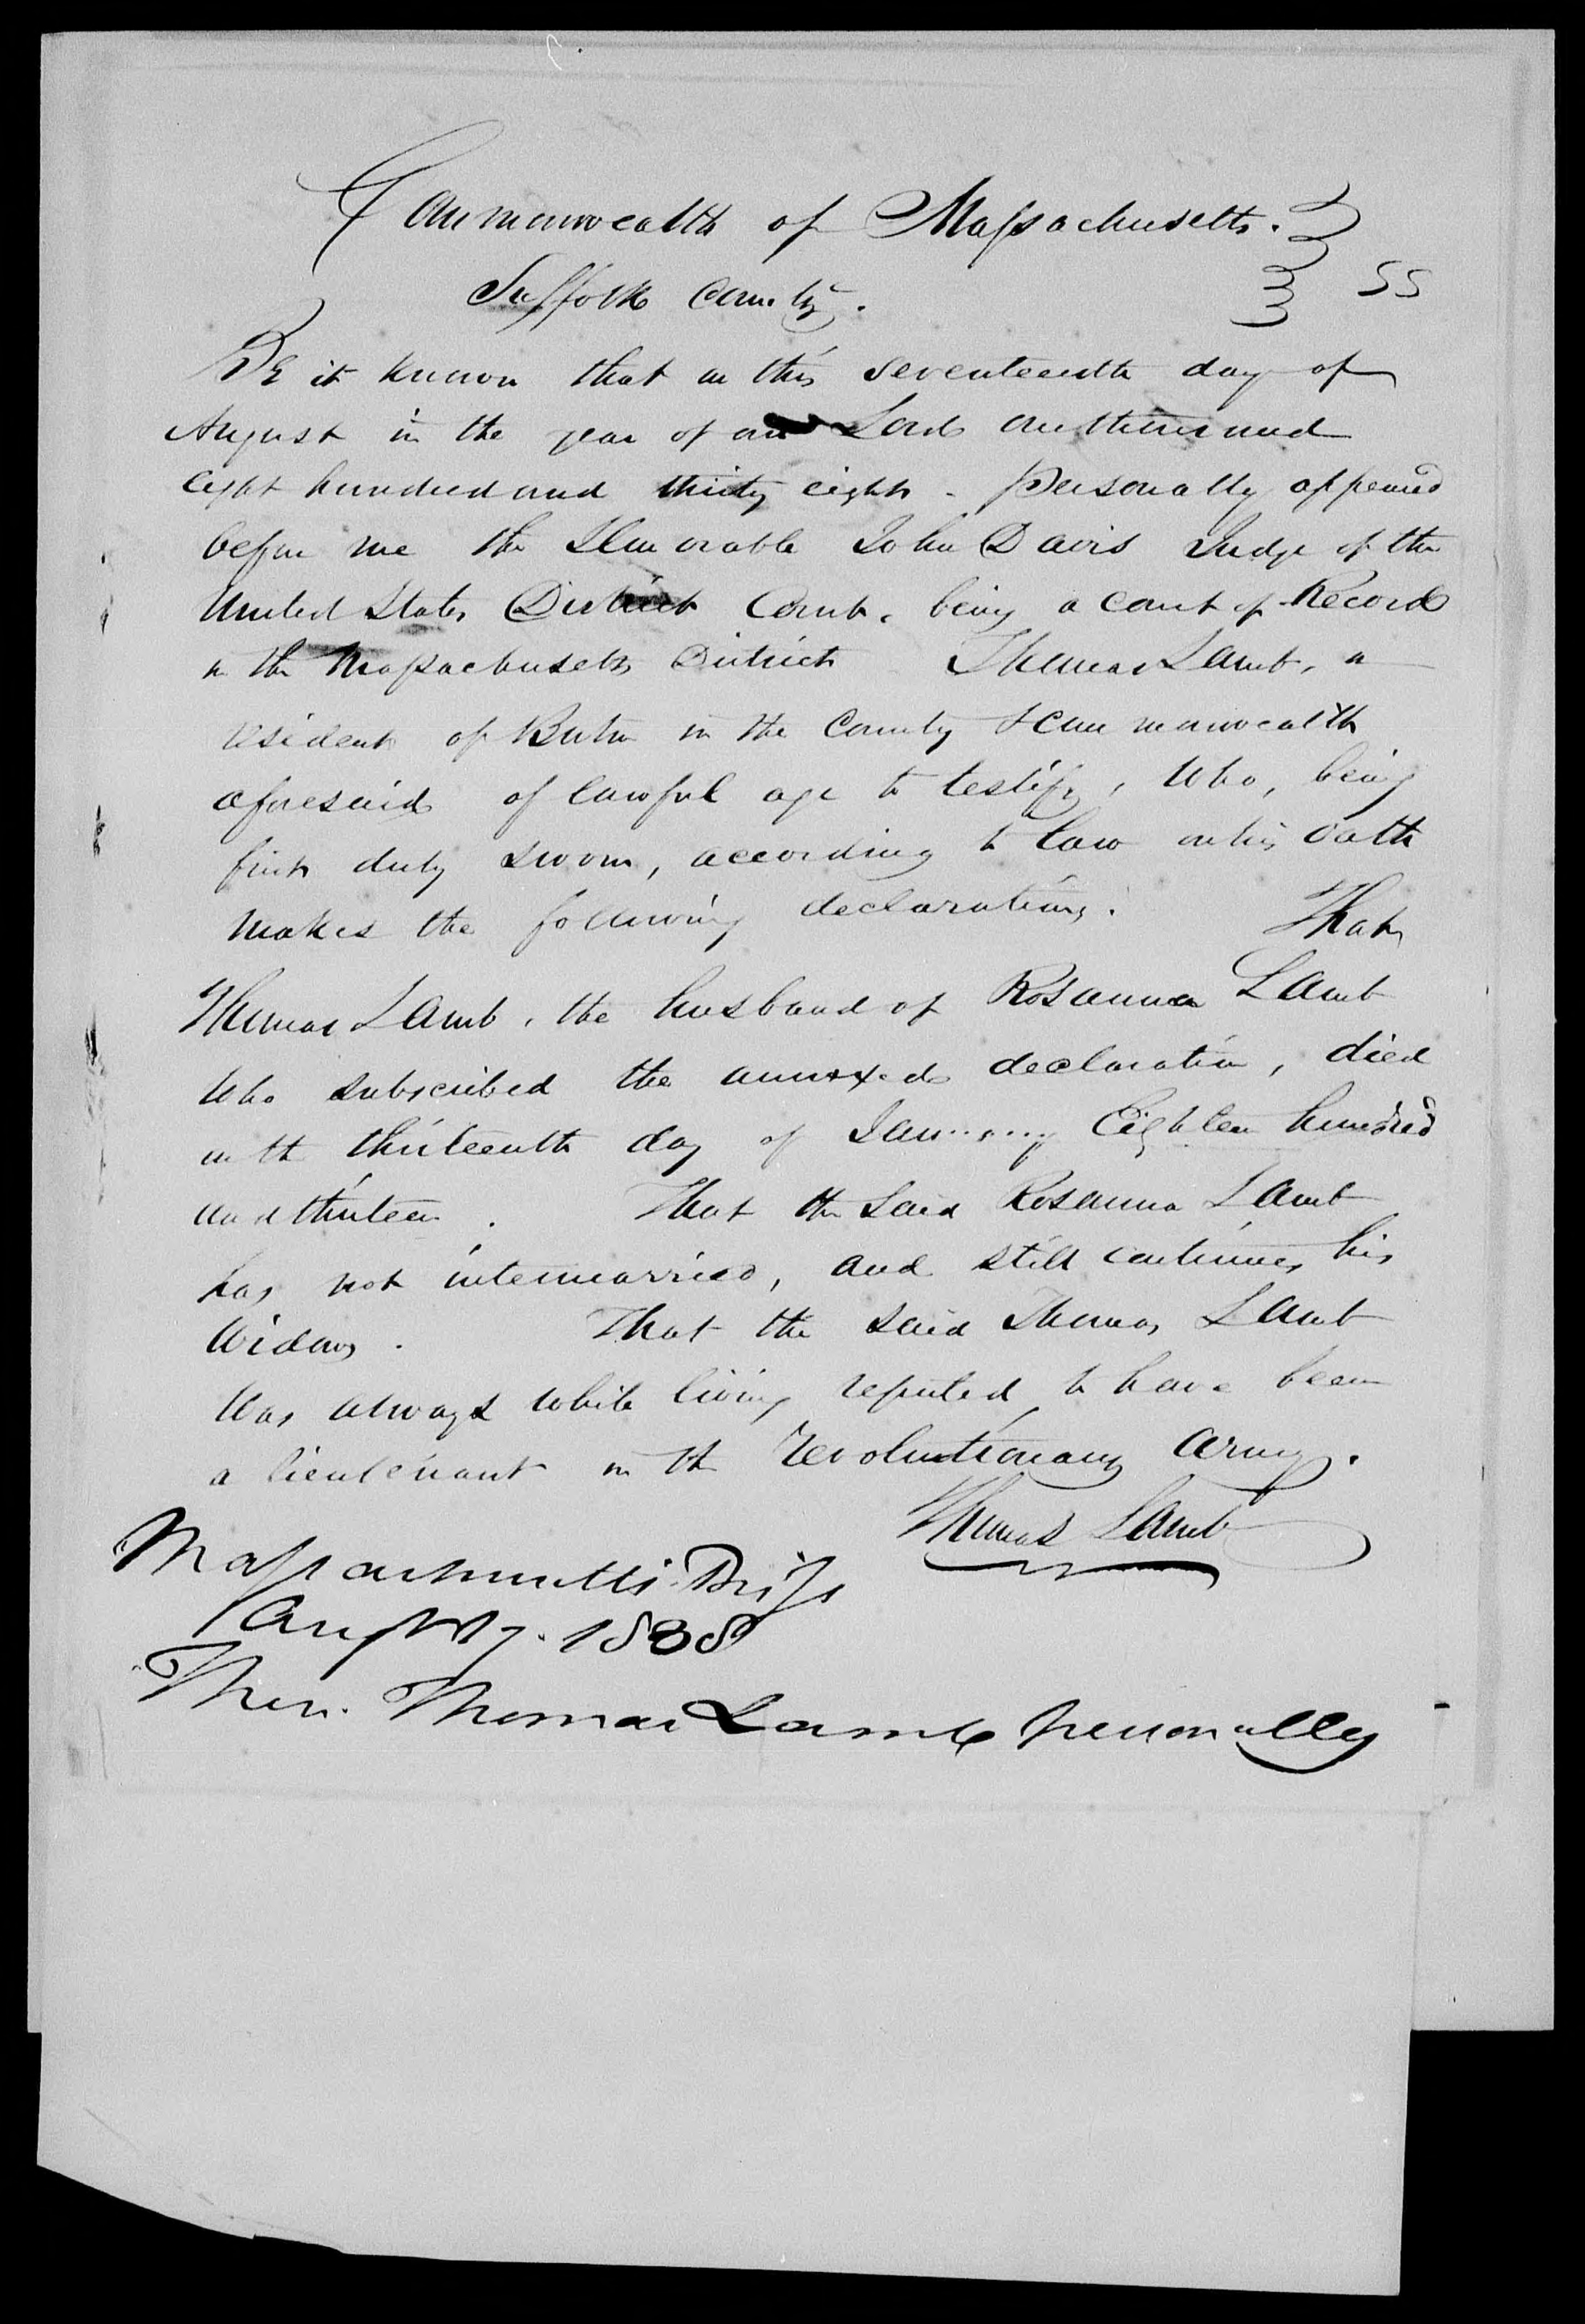Commonwealth of Massachusetts
Suffolk County} ss

Be it known that on this seventeenth day of August in the year of our Lord one thousand eight hundred and thirty eight, personally appeared before me the Honorable John Davis Judge of the United States District Court, being a court of Record in the Massachusetts District, Thomas Lamb, a resident of Boston the County & Commonwealth aforesaid, of lawful age to testify, who, being first duly sworn, according to la on his oath makes the following declarations.
That, Thomas Lamb, the husband of Rosanna Lamb who subscribed the annexed declaration, died the thirteenth day of January Eighteen hundred and thirteen; That the said Rosanna Lamb has not intermarried, and still continues his Widow. That the said Thomas Lamb was always while living reputed to have been a lieutenant in the Revolutionary Army.
Thomas Lamb
Massachusetts Dist.
April 18, 1838
Mr. Thomas Lamb personally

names: John Davis; Rosanna Lamb; Thomas Lamb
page: 5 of 23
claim: widow's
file: W. 15010, for Thomas Lamb, Massachusetts